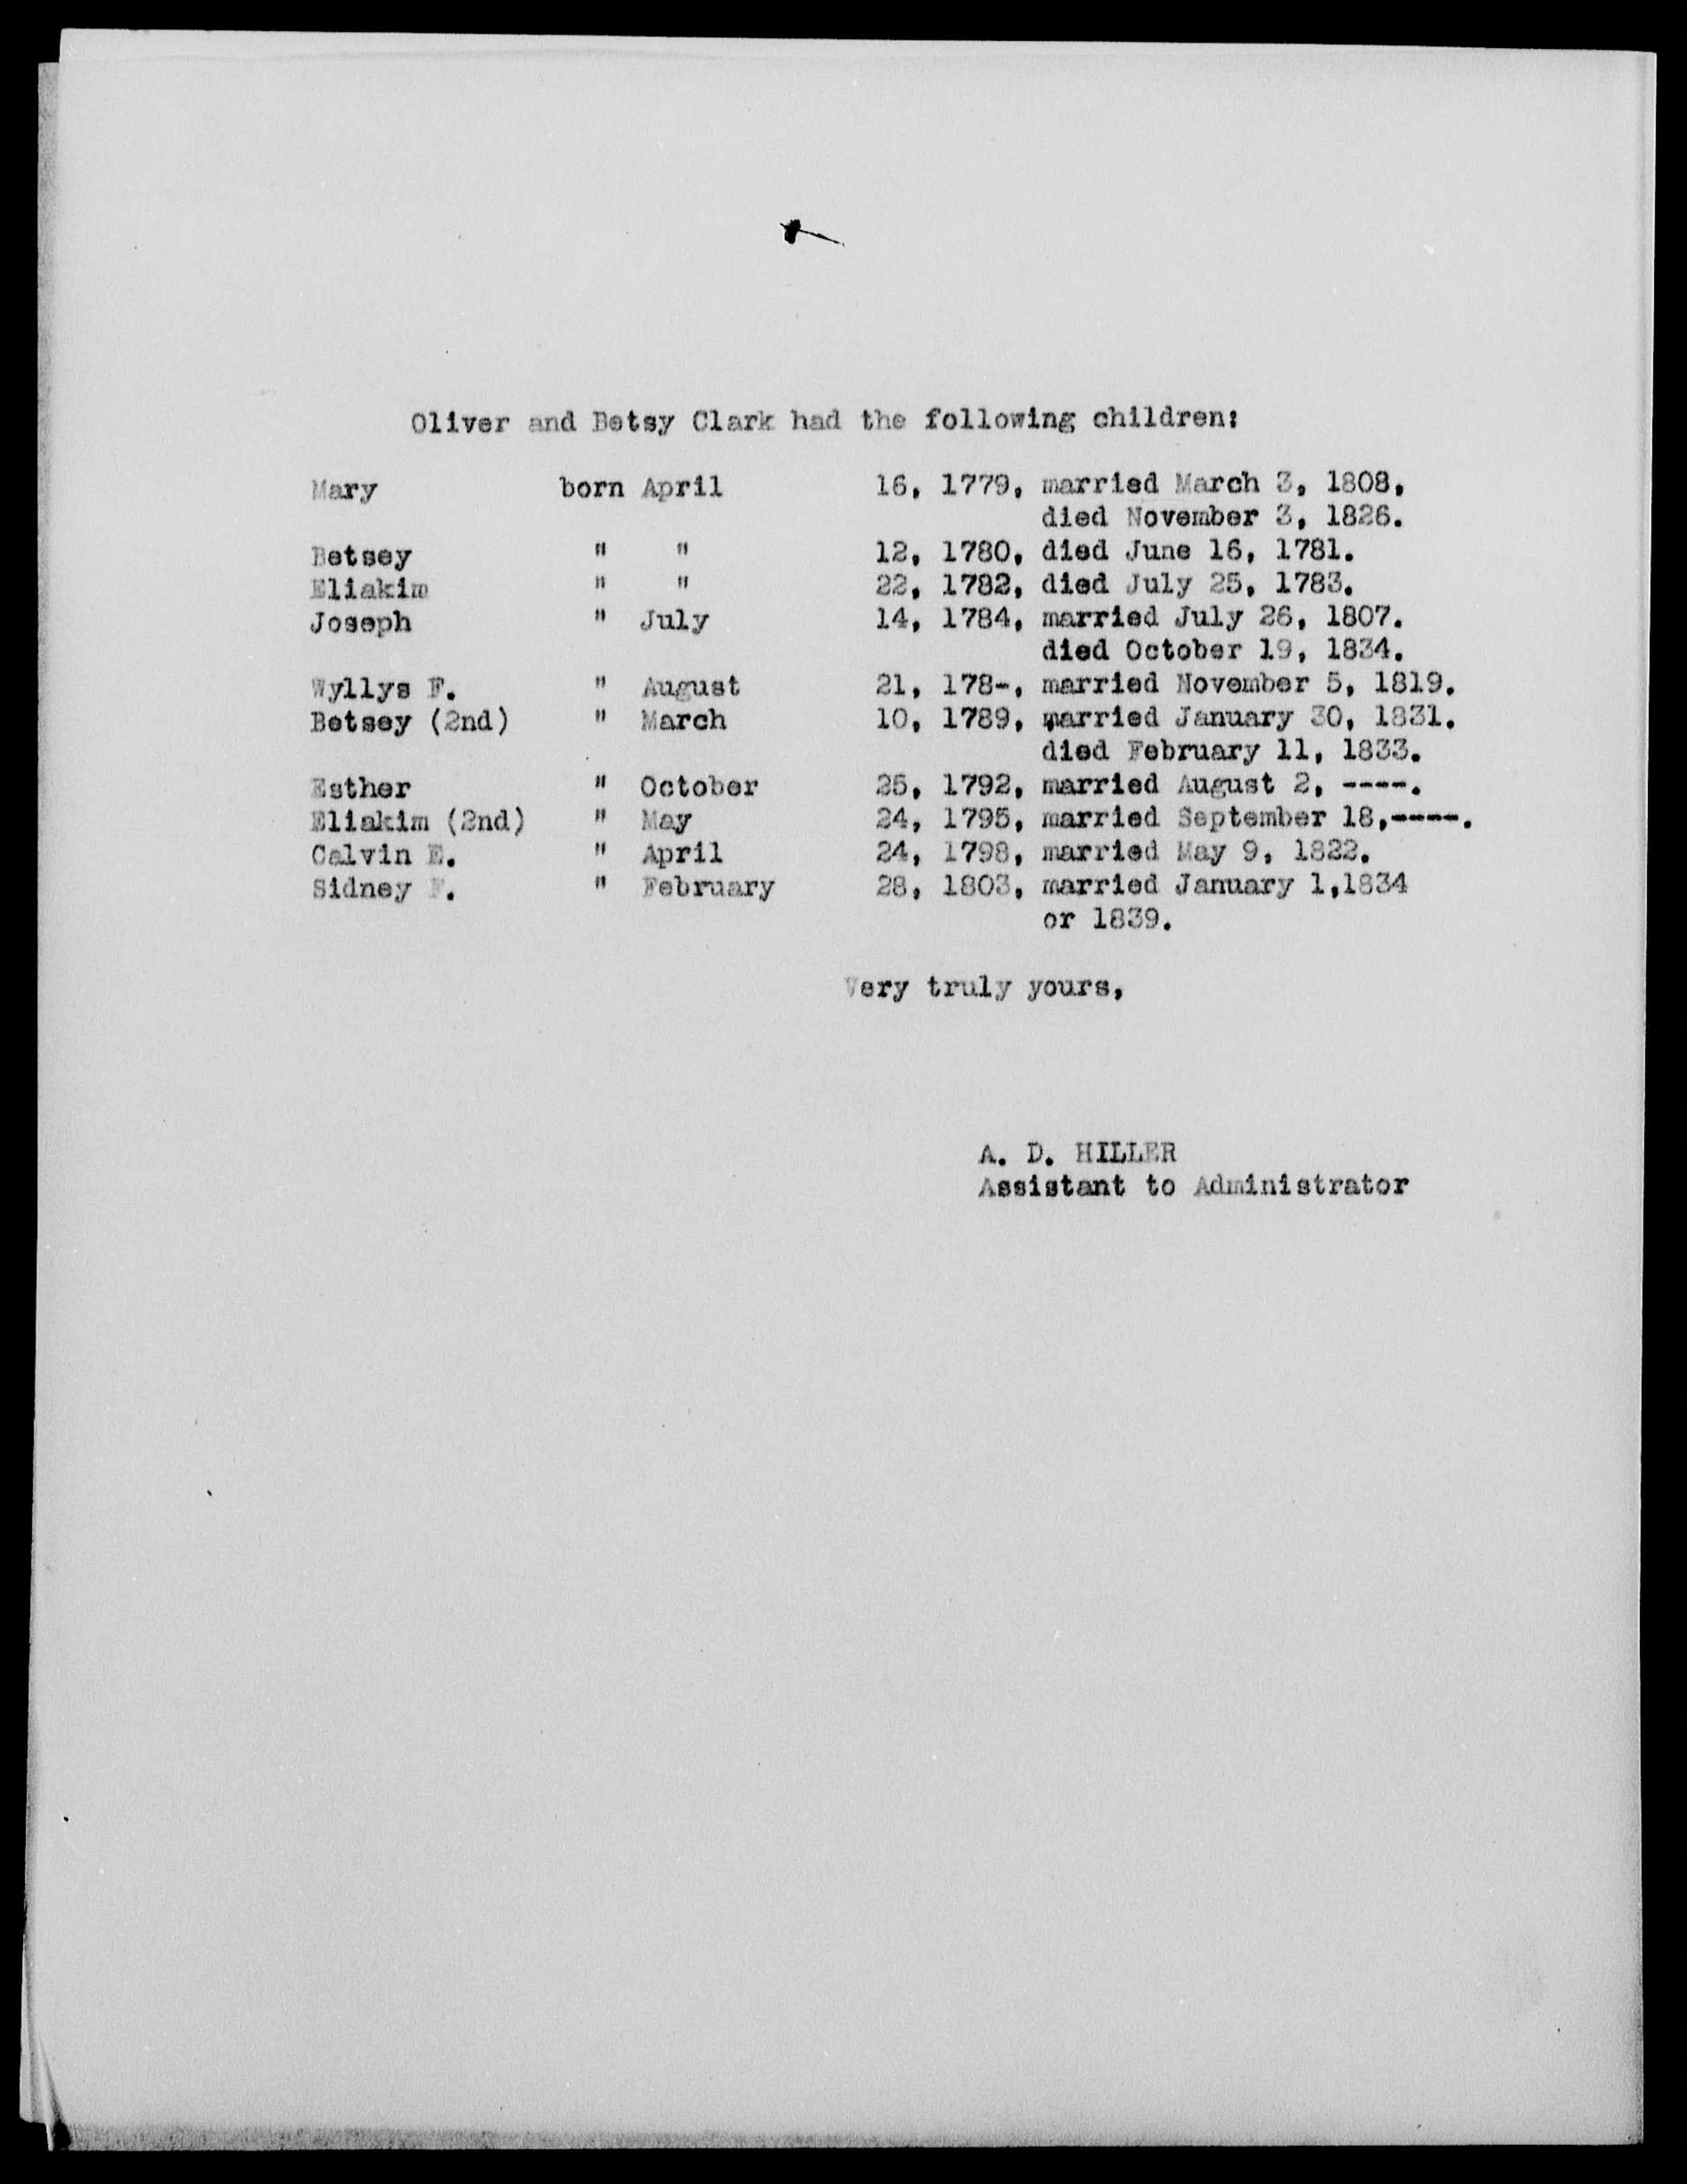[typed]
Oliver and Betsy Clark had the following children:
Mary Born April 16th 1779, married March 3d 1808,
died November 3, 1826.
Betsey born April 12, 1780, died June 16, 1781.
Eliakim born April 22, 1782, died July 25, 1783.
Joseph born July 14, 1784, married July 26, 1807.
died October 19, 1834.
Wyllys F. born August 21, 178-, married November 5, 1819.
Betsey (2nd) born March 10, 1789, married January 30, 1831.
died February 11, 1833.
Esther born October 25, 1792, married August 2, -----.
Eliakim (2nd) born May 24, 1795, married September 18, -----.
Calvin E. born April 24, 1798, married May 9, 1822.
Sidney F. born February 28, 1803, married January 1, 1834 or 1839.
Very truly yours,
A. D. Hiller
Assistant to Administrator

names: Eliakim, Oliver Clark, Wyllys F, A D Hiller, Sidney F, Joseph, Esther, Betsey, Betsy Clark, Betsey, Eliakim, Calvin E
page: 12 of 51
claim: widow's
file: W. 23816, Oliver Clark, Conn.